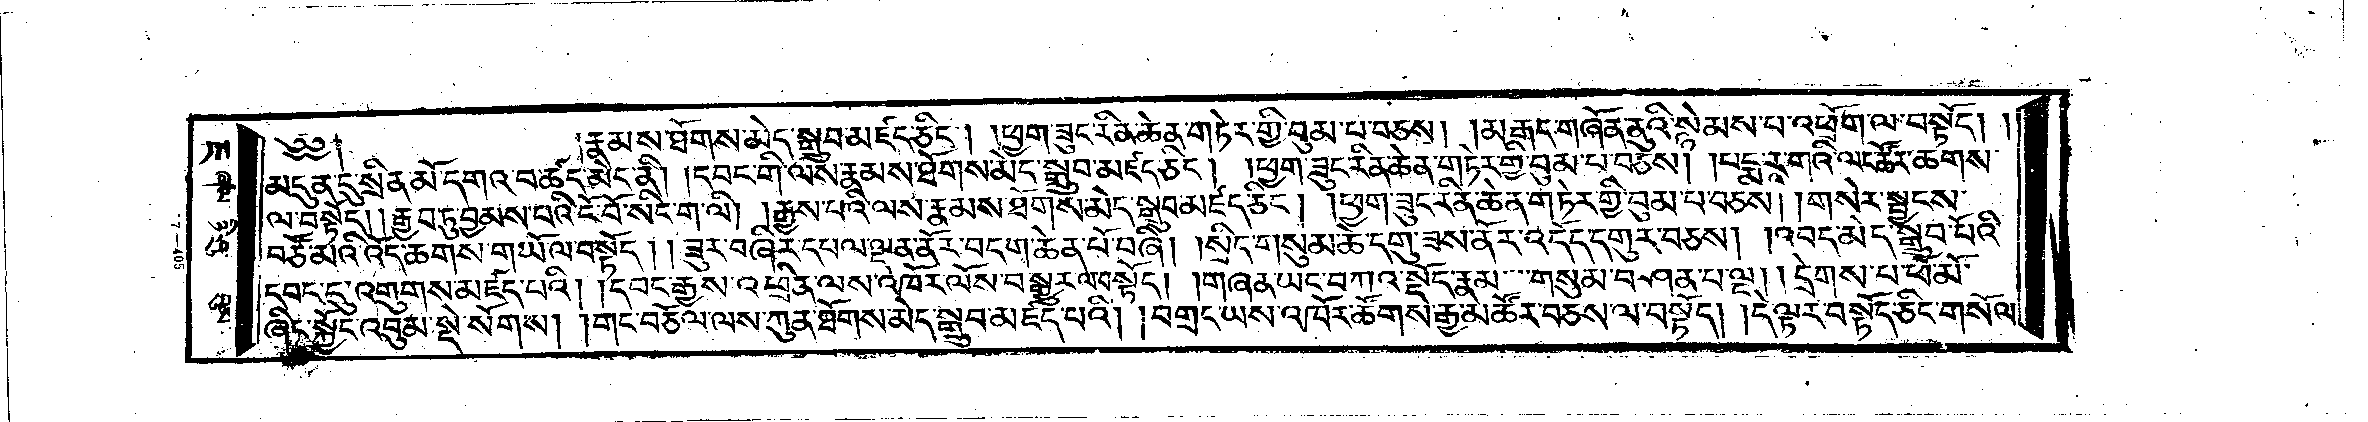༄༅། །རྣམས་ཐོགས་མེད་སྒྲུབ་མཛད་ཅིང་། །ཕྱག་ཟུང་རིན་ཆེན་གཏེར་གྱི་བུམ་པ་བཅས། །མ་རྒད་གཞོན་ནུའི་སྙེ་མས་པ་འཕྲོག་ལ་བསྟོད། །
མདུན་དུ་སྲིན་མོ་དགའ་བ་ཚང་མེད་ནི། །དབང་གི་ལས་རྣམས་ཐོགས་མེད་སྒྲུབ་མཛད་ཅིང་། །ཕྱག་ཟུང་རིན་ཆེན་གཏེར་གྱི་བུམ་པ་བཅས། །པདམ་རཱ་གའི་ལང་ཚོར་ཆགས་
ལ་བསྟོད། །རྒྱབ་ཏུ་བྱམས་པའི་ངོ་བོ་སིང་ག་ལི། །རྒྱས་པའི་ལས་རྣམས་ཐོགས་མེད་སྒྲུབ་མཛད་ཅིང་། །ཕྱག་ཟུང་རིན་ཆེན་གཏེར་གྱི་བུམ་པ་བཅས། །གསེར་སྦྱངས་
བཙོ་མའི་འོད་ཆགས་གཡོ་ལ་བསྟོད། །ཟུར་བཞིར་དཔལ་ལྡན་ནོར་བདག་ཆེན་པོ་བཞི། །སྲིད་གསུམ་ཆེ་དགུ་ཟས་ནོར་འདོད་དགུར་བཅས། །འབད་མེད་སྒྲུབ་པོའི་
དབང་དུ་འགུགས་མཛད་པའི། །དབང་རྒྱས་འཕྲིན་ལས་འཁོར་ལོས་བསྒྱུར་ལ་བསྟོད། །གཞན་ཡང་བཀའ་སྡོད་རྣམ་གསུམ་བཤན་པ་ལྔ། །དྲེགས་པ་ཕོ་མོ་
ཞིང་སྐྱོང་འབུམ་སྡེ་སོགས། །གང་བཅོལ་ལས་ཀུན་ཐོགས་མེད་སྒྲུབ་མཛད་པའི། །བགྲང་ཡས་འཁོར་ཚོགས་རྒྱ་མཚོར་བཅས་ལ་བསྟོད། །དེ་ལྟར་བསྟོད་ཅིང་གསོལ་